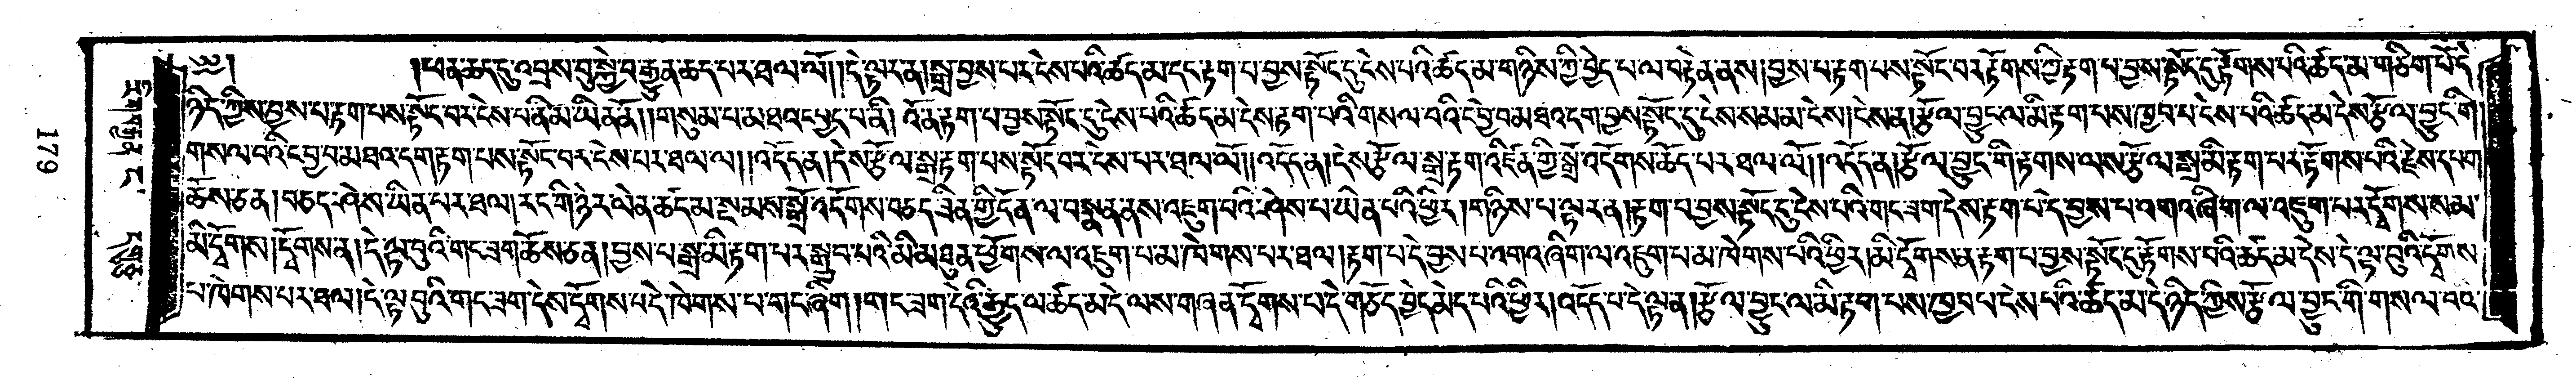༄༅། །ཕན་ཆད་དུ་འབྲས་བུ་སྐྱེ་བ་རྒྱུན་ཆད་པར་ཐལ་ལོ། །དེ་ལྟར་ན། སྒྲ་བྱས་པར་ངེས་པའི་ཚད་མ་དང་རྟག་པ་བྱས་སྟོང་དུ་ངེས་པའི་ཚད་མ་གཉིས་ཀྱི་བྱེད་པ་ལ་བརྟེན་ནས། བྱས་པ་རྟག་པས་སྟོང་བར་རྟོགས་ཀྱི་རྟག་པ་བྱས་སྟོང་དུ་རྟོགས་པའི་ཚད་མ་གཅིག་པོ་དེ་
ཉིད་ཀྱིས་བྱས་པ་རྟག་པས་སྟོང་བར་ངེས་པ་ནི་མ་ཡིན་ནོ། །གསུམ་པ་མཐའ་དཔྱད་པ་ནི། འོ་ན་རྟག་པ་བྱས་སྟོང་དུ་ངེས་པའི་ཚད་མ་དེས་རྟག་པའི་གསལ་བའི་དབྱེ་བ་མཐའ་དག་བྱས་སྟོང་དུ་ངེས་སམ་མ་ངེས། ངེས་ན། རྩོལ་འབྱུང་ལ་མི་རྟག་པས་ཁྱབ་པ་ངེས་པའི་ཚད་མ་དེས་རྩོལ་བྱུང་གི་
གསལ་བའི་དབྱེ་བ་མཐའ་དག་རྟགས་པས་སྟོང་བར་ངེས་པར་ཐལ་ལ། །འདོད་ན། དེས་རྩོལ་སྒྲ་རྟག་པས་སྟོང་བར་ངེས་པར་ཐལ་ལོ། །འདོད་ན། དེས་རྩོལ་སྒྲ་རྟག་འཛིན་གྱི་སྒྲོ་འདོགས་ཆོད་པར་ཐལ་ལོ། །འདོད་ན། རྩོལ་བྱུང་གི་རྟགས་ལས་རྩོལ་སྒྲ་མི་རྟག་པར་རྟོགས་པའི་རྗེས་དཔག་
ཆོས་ཅན། བཅད་ཤེས་ཡིན་པར་ཐལ། རང་གི་ཉེར་ལེན་ཆད་མ་སྔ་མས་སྒྲོ་འདོགས་བཅད་ཟིན་གྱི་དོན་ལ་བསྣན་ནས་འཇུག་པའི་ཤེས་པ་ཡིན་པའི་ཕྱིར། གཉིས་པ་ལྟར་ན། རྟག་པ་བྱས་སྟོང་དུ་ངེས་པའི་གང་ཟག་དེས་རྟག་པ་དེ་བྱས་པ་འགའ་ཞིག་ལ་འཇུག་པར་དྭོགས་སམ་
མི་དྭོགས། དྭོགས་ན། དེ་ལྟ་བུའི་གང་ཟག་ཆོས་ཅན། བྱས་པ་སྒྲ་མི་རྟག་པར་སྒྲུབ་པའི་མི་མཐུན་ཕྱོགས་ལ་འཇུག་པ་མ་ཁེགས་པར་ཐལ། རྟག་པ་དེ་བྱས་པ་འགའ་ཞིག་ལ་འཇུག་པ་མ་ཁེགས་པའི་ཕྱིར། མི་དྭོགས་ན་རྟག་པ་བྱས་སྟོང་དུ་རྟོགས་པའི་ཆད་མ་དེས་དེ་ལྟ་བུའི་དྭོགས་
པ་ཁེགས་པར་ཐལ། དེ་ལྟ་བུའི་གང་ཟག་དེས་དྭོགས་པ་དེ་ཁེགས་པ་གང་ཞིག། གང་ཟག་དེའི་རྒྱུད་ལ་ཚད་མ་དེ་ལས་གཞན་དྭོགས་པ་དེ་གཅོད་བྱེད་མེད་པའི་ཕྱིར། འདོད་པ་དེ་ལྟ་ན། རྩོལ་བྱུང་ལ་མི་རྟག་པས་ཁྱབ་པ་ངེས་པའི་ཚད་མ་དེ་ཉིད་ཀྱིས་རྩོལ་བྱུང་གི་གསལ་བའི་